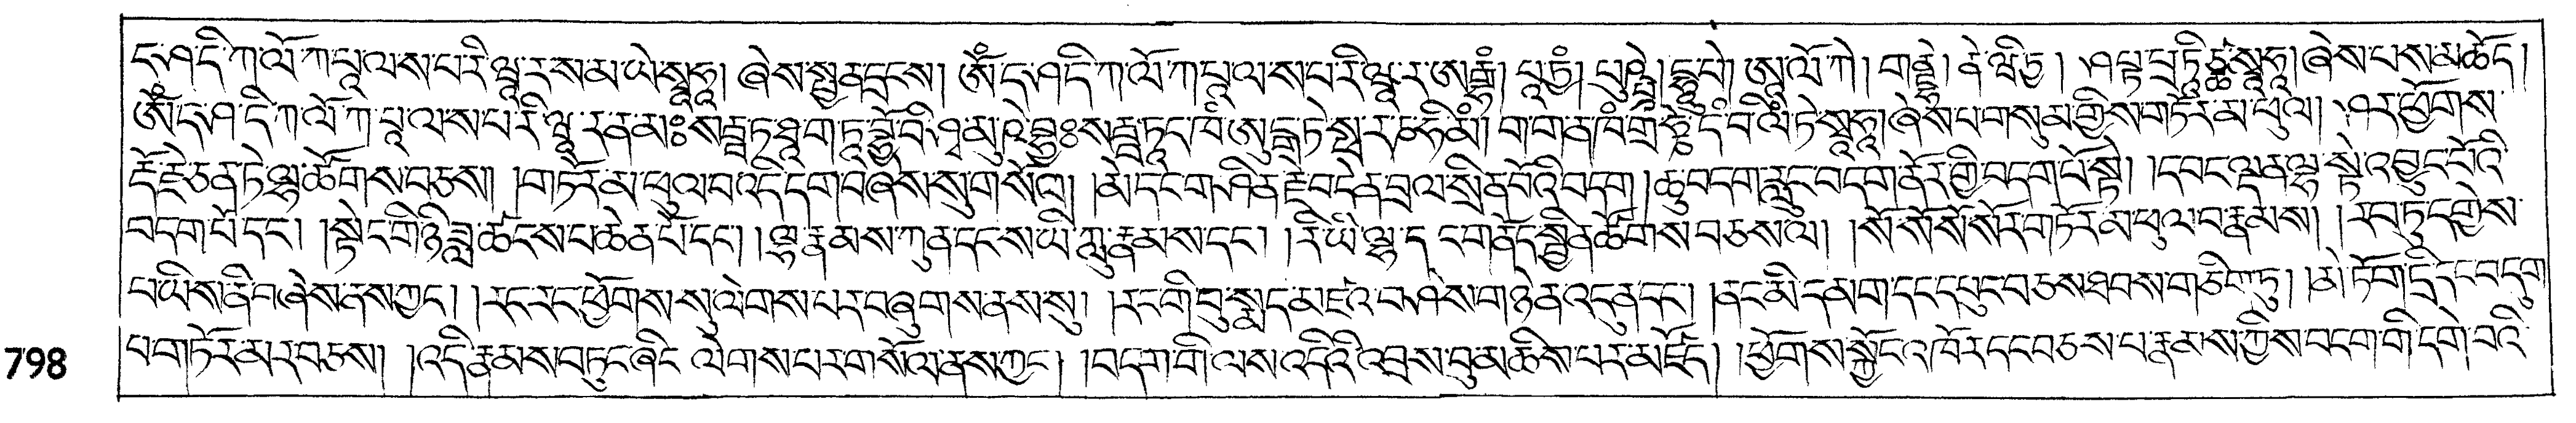ད་ཤ་དི་ཀ་ལོ་ཀ་པཱ་ལ་ས་པ་རི་ཝཱ་ར་ས་མ་ཡེ་སྭཱཧཱ། ཞེས་སྤྱན་དྲངས། ཨོཾ་ད་ཤ་དི་ཀ་ལོ་ཀ་པཱ་ལ་ས་པ་རི་ཝཱ་ར་ཨརྒྷཾ། པཱ་ཏྱཾ། པུཥྤེ། དྷཱུ་པེ། ཨཱ་ལོ་ཀེ། གནྡྷེ། ནེ་ཝི་ཏྱ། ཤཔྟ་པྲ་ཏཱི་ཙྪ་སྭཱཧཱ། ཞེས་པས་མཆོད།
ཨོཾ་ད་ཤ་དི་ཀ་ལོ་ཀ་པཱ་ལ་ས་པ་རི་ཝཱ་ར་ན་མཿ སརྦྦ་ཏ་ཐཱ་ག་ཏཱ་བྷྱོ་བི་ཤྭ་མུ་ཥེ་བྷྱཿ སརྦྦ་ཏཱད་ཁཾ་ཨུངྒ་ཏེ་སྥ་ར་ཎ་ཧི་མཾ། ག་ག་ན་ཁཾ་གྲྀ་ཧྞེ་དཾ་བ་ལིཾ་ཏེ་སྭཱཧཱ། ཞེས་པ་གསུམ་གྱིས་གཏོར་མ་ཕུལ། ཤར་ཕྱོགས་
རྡོ་རྗེ་ཅན་ཏེ་ལྷ་ཚོགས་བཅས། །གཏོར་མ་ཕུལ་བ་འདི་དག་བཞེས་སུ་གསོལ། །མེ་དང་གཤིན་རྗེ་བདེན་བྲལ་སྲིན་པོའི་བདག །ཆུ་བདག་རླུང་བདག་ནོར་གྱི་བདག་པོ་སྟེ། །དབང་ལྡན་ལྷ་སྟེ་འབྱུང་པོའི་
བདག་པོ་དང་། །སྟེང་གི་ཉི་ཟླ་ཚངས་པ་ཆེན་པོ་དང་། །ལྷ་རྣམས་ཀུན་དང་ས་ཡི་ཀླུ་རྣམས་དང་། །རི་ཡི་ལྷ་དང་གནོད་སྦྱིན་ཚོགས་བཅས་ལ། །སོ་སོ་སོ་སོར་གཏོར་མ་ཕུལ་བ་རྣམས། །རབ་ཏུ་དགྱེས་
པ་ཡིས་ནི་བཞེས་ནས་ཀྱང་། །རང་རང་ཕྱོགས་སུ་ལེགས་པར་བཞུགས་ནས་སུ། །རང་གི་བུ་སྨད་མཛའ་བཤེས་གཉེན་འདུན་དང་། །ནང་མི་དམག་དང་དཔུང་བཅས་ཐབས་གཅིག་ཏུ། །མེ་ཏོག་དྲི་དང་བདུག་
པ་གཏོར་མར་བཅས། །འདི་རྣམས་བཏུང་ཞིང་ལེགས་པར་གསོལ་ནས་ཀྱང་། །བདག་གི་ལས་འདིའི་འབྲས་བུ་མཆིས་པར་མཛོད། །ཕྱོགས་སྐྱོང་འཁོར་དང་བཅས་པ་རྣམས་ཀྱིས་བདག་གི་དགེ་བའི་